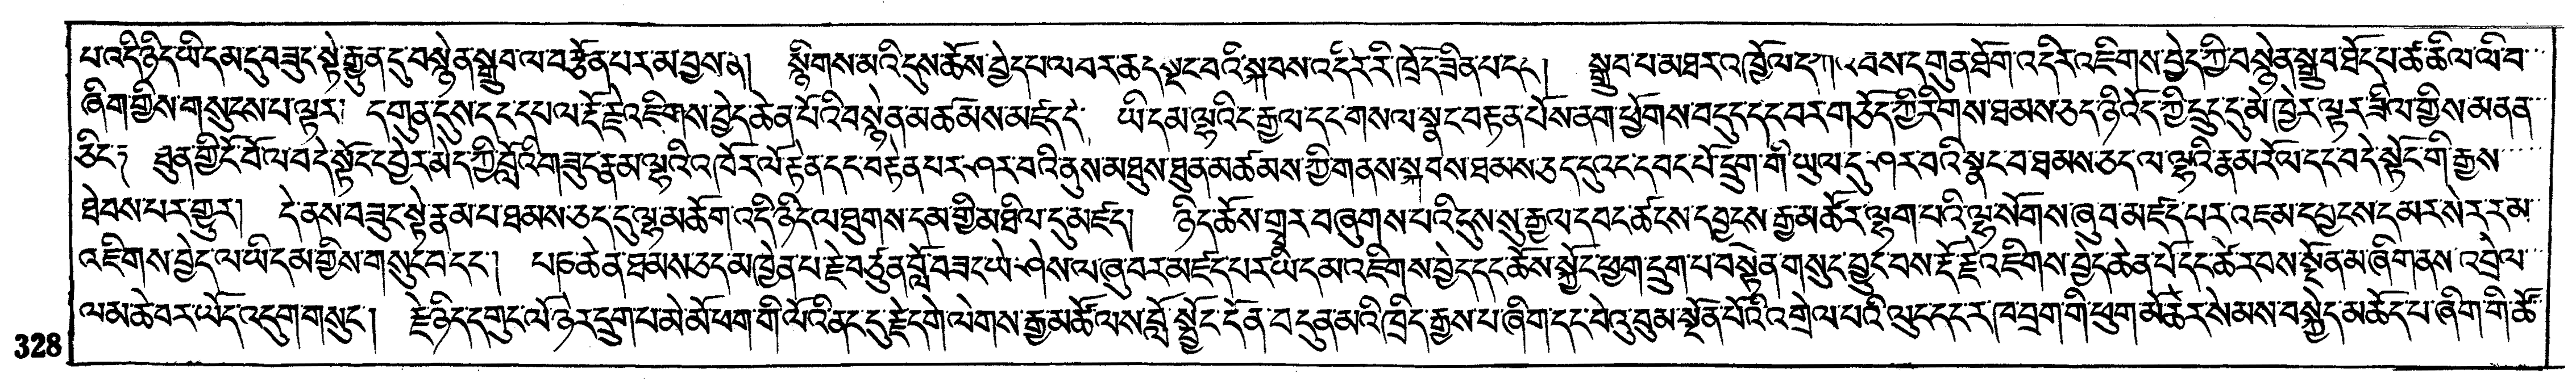པ་འདི་ཉིད་ཡི་དམ་དུ་བཟུང་སྟེ་རྒྱུན་དུ་བསྙེན་སྒྲུབ་ལ་བརྩོན་པར་མ་བྱས་ན། སྙིགས་མའི་དུས་ཆོས་བྱེད་པ་ལ་བར་ཆད་སྡང་བའི་སྐབས་འདིར་རི་ཁྲོད་ཟིན་པ་དང་། སྒྲུབ་པ་མཐར་འཁྱོལ་དཀའ་བས་དགུན་ཐོག་འདིར་འཇིགས་བྱེད་ཀྱི་བསྙེན་སྒྲུབ་ཐོད་པ་ཚ་ཆིལ་ལི་བ་
ཞིག་གྱིས་གསུངས་པ་ལྟར། དགུན་དུས་དེར་དཔལ་རྡོ་རྗེ་འཇིགས་བྱེད་ཆེན་པོའི་བསྙེན་མཚམས་མཛད་དེ། ཡི་དམ་ལྷའི་ང་རྒྱལ་དང་གསལ་སྣང་བརྟན་པོས་ནག་ཕྱོགས་བདུད་དང་བར་གཅོད་ཀྱི་རིགས་ཐམས་ཅད་ཉི་འོད་ཀྱི་དྲུང་དུ་མེ་ཁྱེར་ལྟར་ཟིལ་གྱིས་མནན་
ཅིང༑ ཐུན་གྱི་ངོ་བོ་ལ་བདེ་སྟོང་དབྱེར་མེད་ཀྱི་བློའི་གཟུང་རྣམ་ལྷའི་འཁོར་ལོ་རྟེན་དང་བརྟེན་པར་ཤར་བའི་ནུས་མཐུས་ཐུན་མཚམས་ཀྱི་གནས་སྐབས་ཐམས་ཅད་དུའང་དབང་པོ་དྲུག་གི་ཡུལ་དུ་ཤར་བའི་སྣང་བ་ཐམས་ཅད་ལ་ལྷའི་རྣམ་རོལ་དང་བདེ་སྟོང་གི་རྒྱས་
ཐེབས་པར་གྱུར། དེ་ནས་བཟུང་སྟེ་རྣམ་པ་ཐམས་ཅད་དུ་ལྷ་མཆོག་འདི་ཉིད་ལ་ཐུགས་དམ་གྱི་མཐིལ་དུ་མཛད། ཉིད་ཆོས་གྲྭར་བཞུགས་པའི་དུས་སུ་རྒྱལ་དབང་ཚངས་དབྱངས་རྒྱ་མཚོར་ལྷག་པའི་ལྷ་སོགས་ཞུ་བ་མཛད་པར་འཇམ་དབྱངས་དམར་སེར་རམ་
འཇིགས་བྱེད་ལ་ཡི་དམ་གྱིས་གསུང་བ་དང་། པཎ་ཆེན་ཐམས་ཅད་མཁྱེན་པ་རྗེ་བཙུན་བློ་བཟང་ཡེ་ཤེས་ལ་ཞུ་བར་མཛད་པར་ཡི་དམ་འཇིགས་བྱེད་དང་ཆོས་སྐྱོང་ཕྱག་དྲུག་པ་བསྟེན་གསུང་བྱུང་བས་རྡོ་རྗེ་འཇིགས་བྱེད་ཆེན་པོ་དང་ཚེ་རབས་སྔོན་མ་ཞིག་ནས་འབྲེལ་
ལམ་ཆེ་བར་ཡོད་འདུག་གསུང་། རྗེ་ཉིད་དགུང་ལོ་ཉེར་དྲུག་པ་མེ་མོ་ཕག་གི་ལོའི་ནང་དུ་རྗེ་དགེ་ལེགས་རྒྱ་མཚོ་ལས་བློ་སྦྱོང་དོན་བདུན་མའི་ཁྲིད་རྒྱས་པ་ཞིག་དང་བེའུ་བུམ་སྔོན་པོའི་འགྲེལ་བའི་ལུང་དང་ར་ཁ་བྲག་གི་ཕུག་མོ་ཆེར་སེམས་བསྐྱེད་མཆོད་པ་ཞིག་གི་ཚེ་